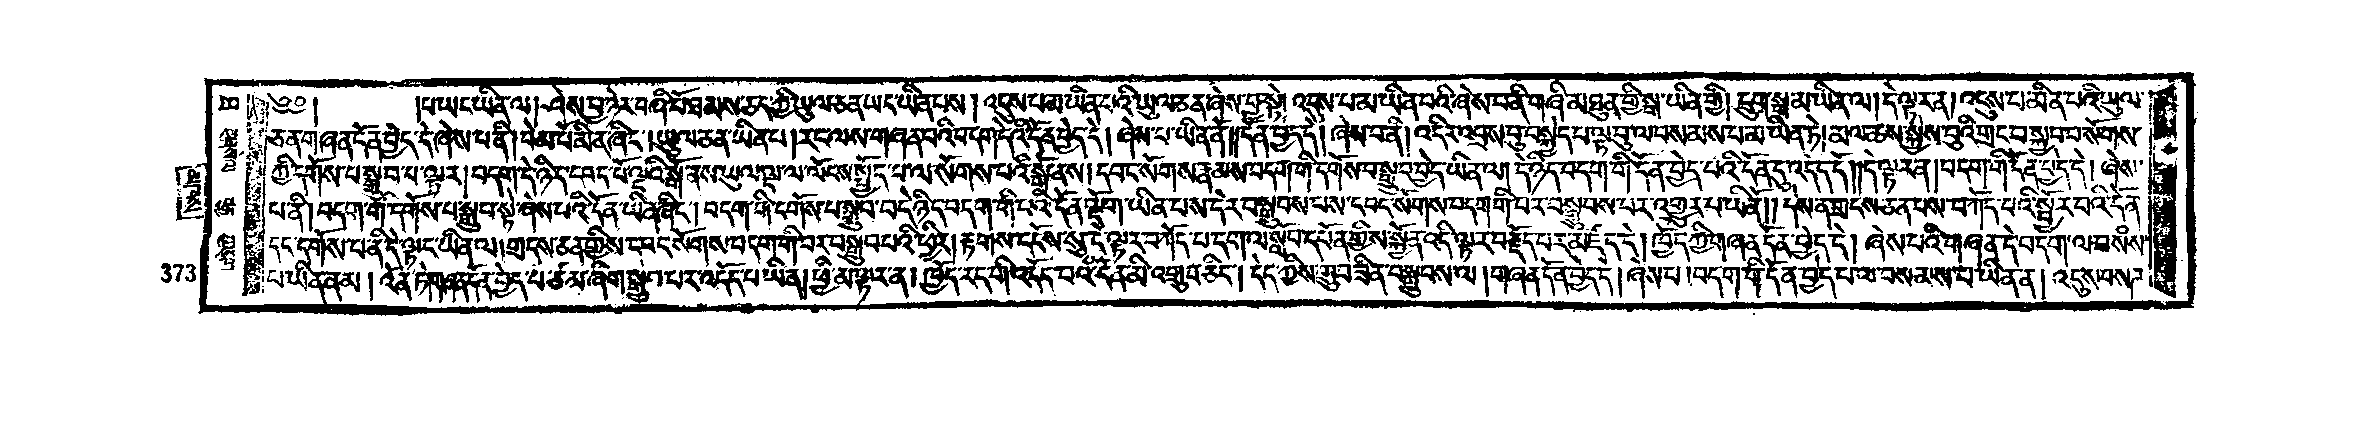༄༅། །པ་ཡང་ཡིན་ལ། ཤེས་བྱ་ཉེར་བཞི་པོ་ཐམས་ཅད་ཀྱི་ཡུལ་ཅན་ཡང་ཡིན་པས། འདུས་པ་མ་ཡིན་པའི་ཡུལ་ཅན་ཞེས་བྱ་སྟེ། འདུས་པ་མ་ཡིན་པའི་ཞེས་པ་ནི་གཞི་མཐུན་གྱི་སྒ་ཡིན་གྱི། དྲུག་སྒ་མ་ཡིན་ལ། དེ་ལྟར་ན། འདུས་པ་མིན་པའི་ཡུལ་
ཅན་གཞན་དོན་བྱེད་དེ་ཞེས་པ་ནི། བེམ་པོ་མིན་ཞིང་། ཡུལ་ཅན་ཡིན་པ། རང་ལས་གཞན་པའི་བདག་དེའི་དོན་བྱེད་དེ། ཞེས་པ་ཡིན་ནོ། །དོན་བྱེད་དེ། ཞེས་པ་ནི། འདིར་འབྲས་བུ་བསྐྱེད་པ་ལྟ་བུ་ལ་བསམས་པ་མ་ཡིན་ཏེ། མལ་ཆས་སྐྱེས་བུའི་གྲང་བ་སྐྱབ་པ་སོགས་
ཀྱི་དགོས་པ་སྒྲུབ་པ་ལྟར། བདག་དེ་ཉིད་དབང་པོ་ལྔའི་སྒོ་ནས་ཡུལ་ལྔ་ལ་ལོངས་སྤྱོད་པ་ལ་སོགས་པའི་སྒོ་ནས། དབང་སོགས་རྣམས་བདག་གི་དགོས་པ་སྒྲུབ་བྱེད་ཡིན་ལ། དེ་ཉིད་བདག་གི་དོན་བྱེད་པའི་དོན་དུ་འདོད་དོ། །དེ་ལྟར་ན། བདག་གི་དོན་བྱེད་དེ། ཞེས་
པ་ནི། བདག་གི་དགོས་པ་སྒྲུབ་སྟེ་ཞེས་པའི་དོན་ཡིན་ཞིང་། བདག་གི་དགོས་པ་སྒྲུབ་བདེ་ཉིད་བདག་གི་པའི་དོན་ལྡོག་ཡིན་པས་དེར་བསྒྲུབས་པས་དབང་སོགས་བདག་གི་པར་བསྒྲུབས་པར་འགྱུར་པ་ཡིན་ནོ། །དེས་ན་གྲངས་ཅན་པས་བཀོད་པའི་སྦྱོར་བའི་དོན་
དང་དགོས་པ་ནི་དེ་ལྟང་ཡིན་ལ། གྲངས་ཅན་གྱིས་དབང་སོགས་བདག་གི་བར་བསྒྲུབ་པའི་ཕྱིར། རྟགས་དངོས་སུ་དེ་ལྟར་བཀོད་པ་དག་ལ་སློབ་དཔོན་གྱིས་སྐྱོན་འདི་ལྟར་བརྗོད་པར་མཛད་དེ། ཁྱོད་ཀྱི་གཞན་དོན་བྱེད་དེ། ཞེས་པའི་གཞན་དེ་བདག་ལ་བསམས་
པ་ཡིན་ནམ། འོན་ཏེ། གཞན་དོན་བྱེད་པ་ཙམ་ཞིག་སྒྲུབ་པར་འདོད་པ་ཡིན། ཕྱི་མ་ལྟར་ན། ཁྱོད་རང་གི་འདོད་པའི་དོན་མི་འགྲུབ་ཅིང་། དེད་ཀྱིས་གྲུབ་ཟིན་བསྒྲུབས་ལ། གཞན་དོན་བྱེད་དེ། ཞེས་པ། བདག་གི་དོན་བྱེད་པ་ལ་བསམས་པ་ཡིན་ན། འདུས་བསགས་